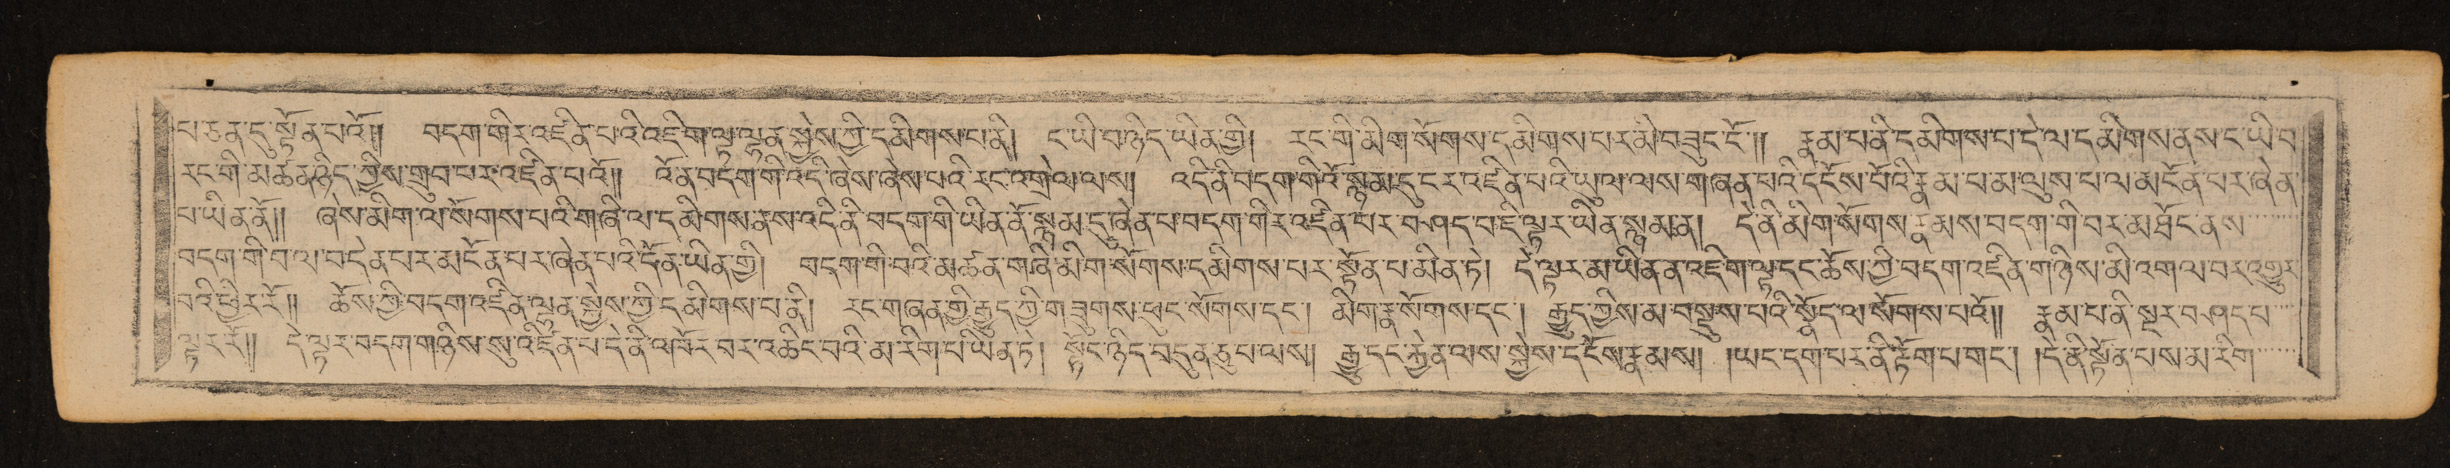པ་ཅན་དུ་སྟོན་པའོ།། བདག་གིར་འཛིན་པའི་འཇིག་ལྟ་ལྷན་སྐྱེས་ཀྱི་དམིགས་པ་ནི། ང་ཡི་བ་ཉིད་ཡིན་གྱི། རང་གི་མིག་སོགས་དམིགས་པར་མི་བཟུང་ངོ།། རྣམ་པ་ནི་དམིགས་པ་དེ་ལ་དམིགས་ནས་ང་ཡི་བ་
རང་གི་མཚན་ཉིད་ཀྱིས་གྲུབ་པར་འཛིན་པའོ།། འོ་ན་བདག་གི་འདི་ཞེས་ཞེས་པའི་རང་འགྲེལ་ལས། འདི་ནི་བདག་གིའོ་སྙམ་དུ་ངར་འཛིན་པའི་ཡུལ་ལས་གཞན་པའི་དངོས་པོའི་རྣམ་པ་མ་ལུས་པ་ལ་མངོན་པར་ཞེན་
པ་ཡིན་ནོ།། ཞེས་མིག་ལ་སོགས་པའི་གཞི་ལ་དམིགས་ནས་འདི་ནི་བདག་གི་ཡིན་ནོ་སྙམ་དུ་ཞེན་པ་བདག་གིར་འཛིན་པར་བཤད་པ་ཇི་ལྟར་ཡིན་སྙམ་ན། དེ་ནི་མིག་སོགས་རྣམས་བདག་གི་བར་མཐོང་ནས་
བདག་གི་བ་ལ་བདེན་པར་མངོན་པར་ཞེན་པའི་དོན་ཡིན་གྱི། བདག་གི་བའི་མཚན་གཞི་མིག་སོགས་དམིགས་པར་སྟོན་པ་མིན་ཏེ། དེ་ལྟར་མ་ཡིན་ན་འཇིག་ལྟ་དང་ཆོས་ཀྱི་བདག་འཛིན་གཉིས་མི་འགལ་བར་འགྱུར་
བའི་ཕྱིར་རོ།། ཆོས་ཀྱི་བདག་འཛིན་ལྷན་སྐྱེས་ཀྱི་དམིགས་པ་ནི། རང་གཞན་གྱི་རྒྱུད་ཀྱི་གཟུགས་ཕུང་སོགས་དང་། མིག་རྣ་སོགས་དང་། རྒྱུད་ཀྱིས་མ་བསྡུས་པའི་སྣོད་ལ་སོགས་པའོ།། རྣམ་པ་ནི་སྔར་བཤད་པ་
ལྟར་རོ།། དེ་ལྟར་བདག་གཉིས་སུ་འཛིན་པ་དེ་ནི་འཁོར་བར་འཆིང་བའི་མ་རིག་པ་ཡིན་ཏེ། སྟོང་ཉིད་བདུན་ཅུ་པ་ལས། རྒྱུ་དང་རྐྱེན་ལས་སྐྱེས་དངོས་རྣམས། །ཡང་དག་པར་ནི་རྟོག་པ་གང་། །དེ་ནི་སྟོན་པས་མ་རིག་